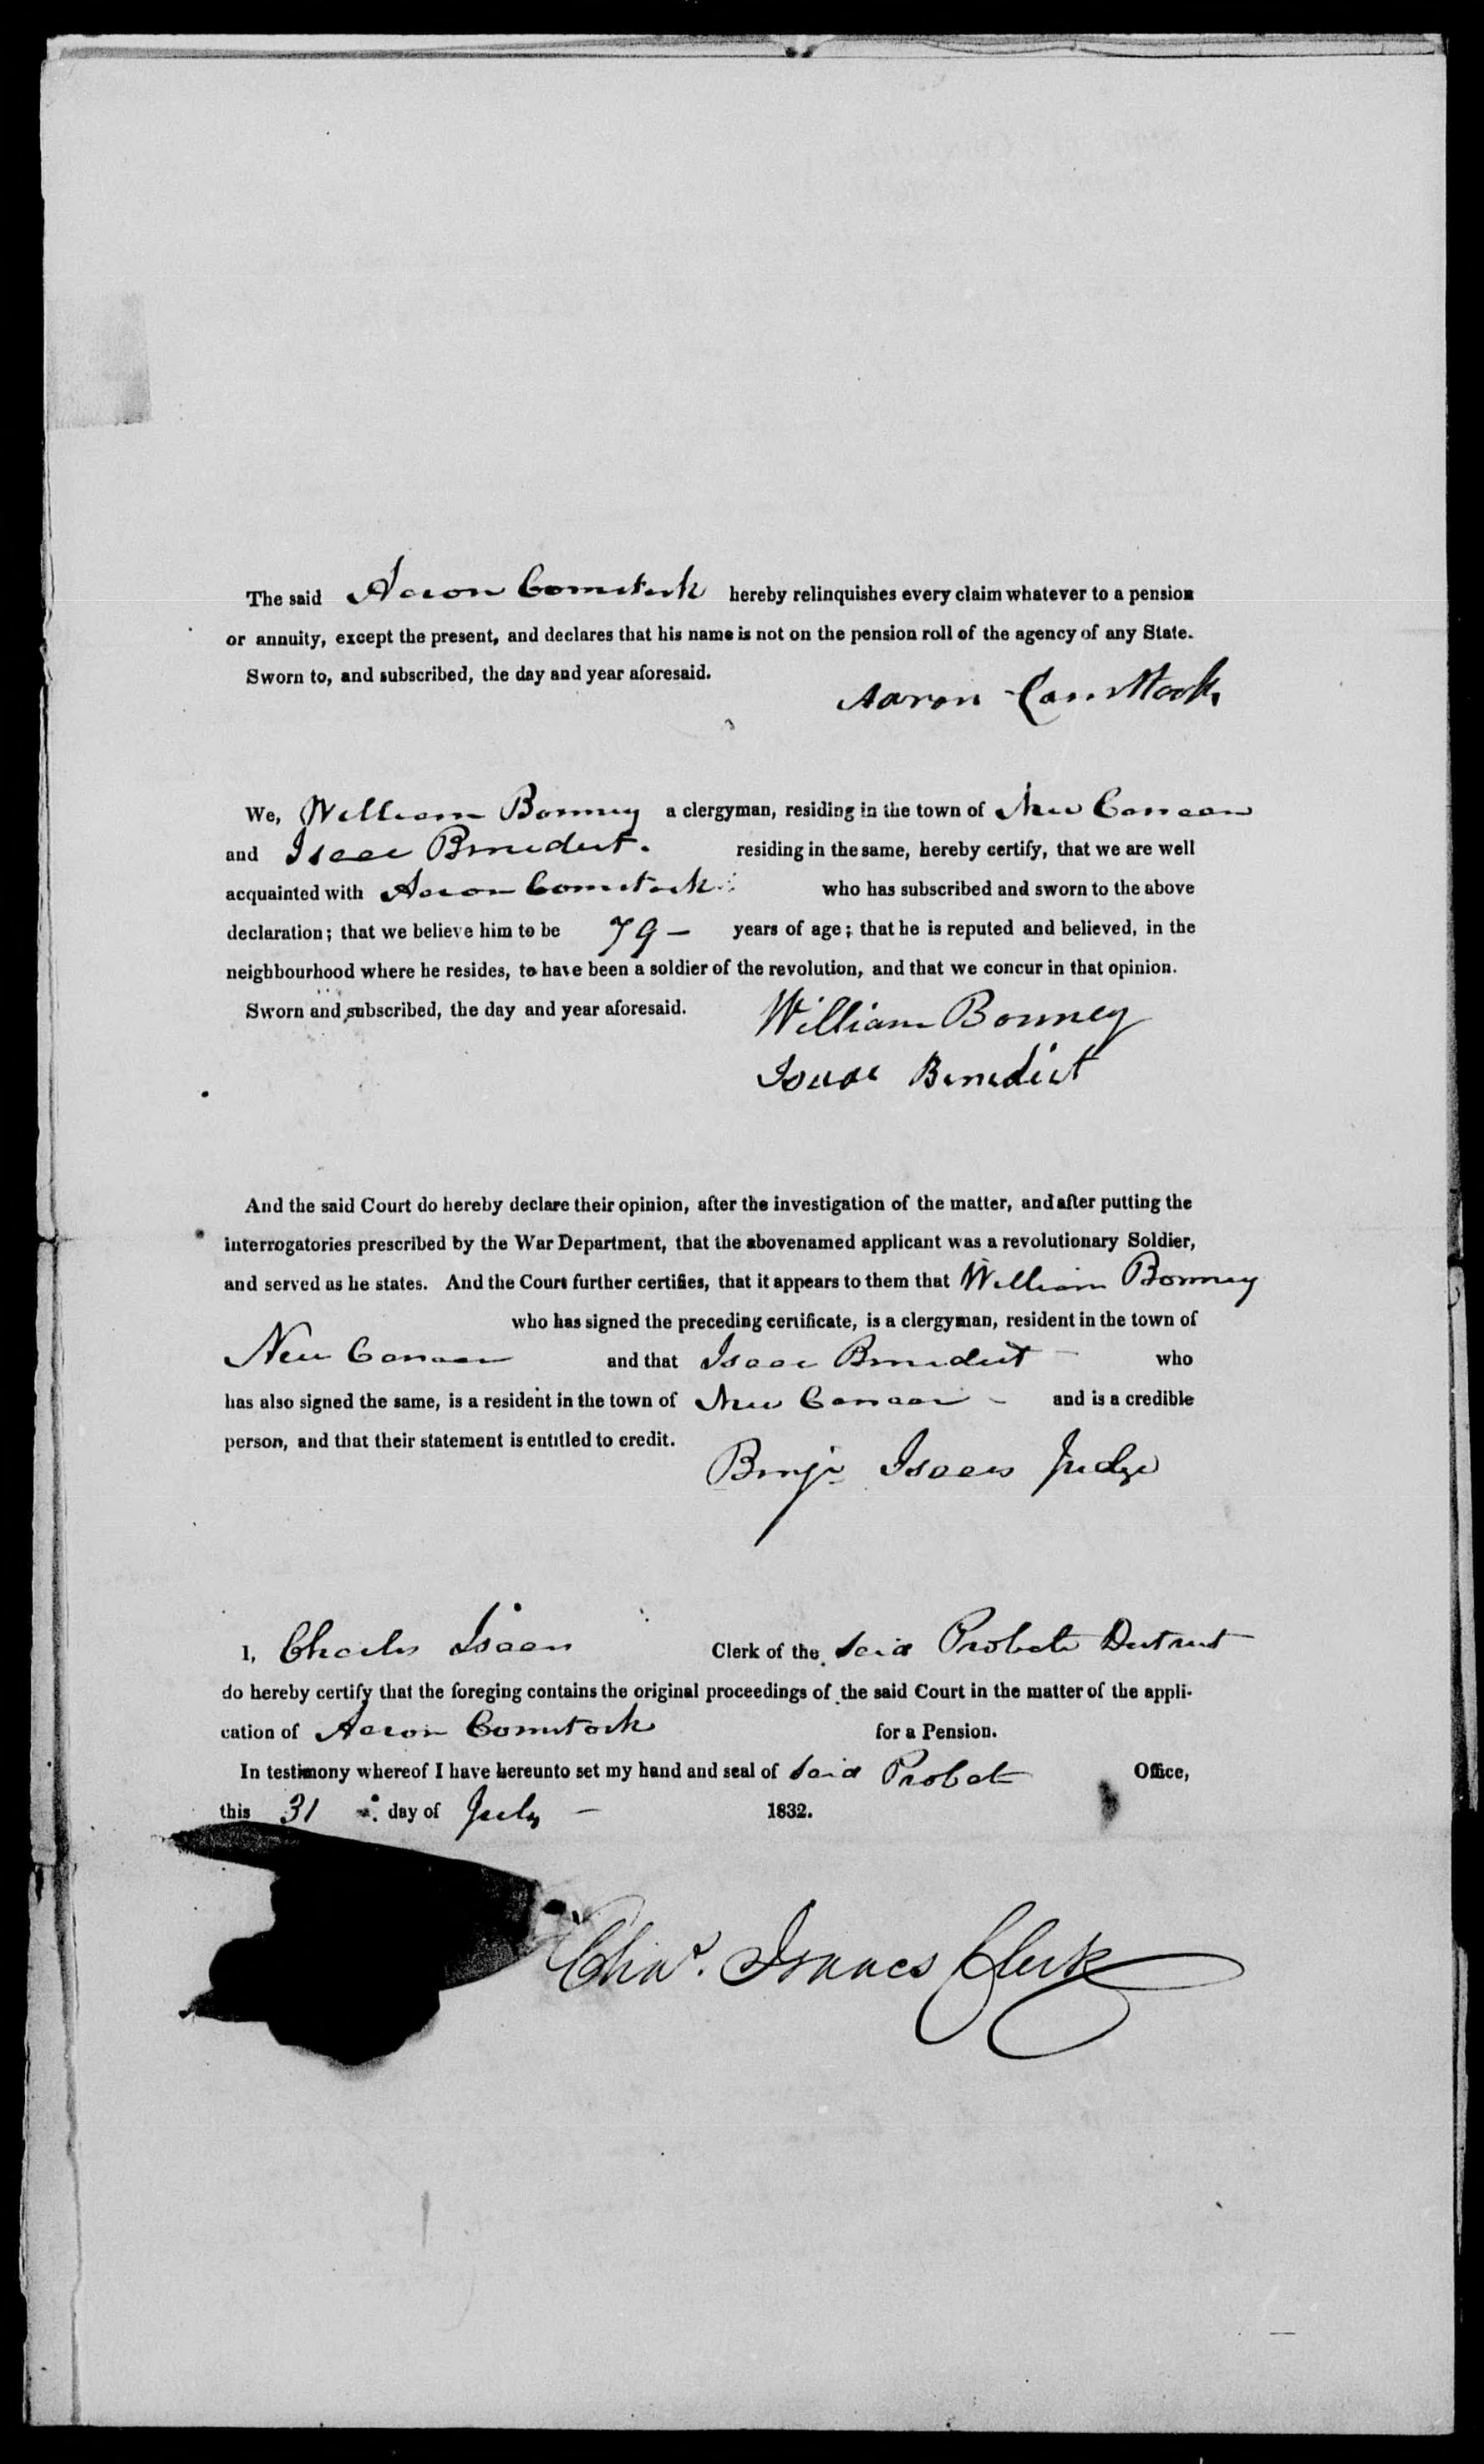The said Aaron Comstock hereby relinquishes every claim whatever to a pension or annuity, except the present, and declares that his name is not on the pension roll of the agency of any State.
Sworn to, and subscribed, the day and year aforesaid.
Aaron Comstock

We, William Bonney a clergyman, residing in the town of New Canaan and Isaac Benedict. residing in the same, hereby certify, that we are well acquainted with Aaron Comstock who has subscribed and sworn to the above declaration; that we believe him to be 79- years of age; that he is reputed and believed, in the neighbourhood where he resides, to have been a soldier of the revolution, and that we concur in that opinion.
Sworn and subscribed, the day and year aforesaid.
William Bonney
Isaac Benedict

And the said Court do hereby declare their opinion, after the investigation of the matter, and after putting the interrogatories prescribed by the War Department, that the abovenamed applicant was a revolutionary Soldier, and served as he states. And the Court further certifies, that it appears to them that William Bonney who has signed the preceding certificate, is a clergyman, resident in the town of New Canaan and that Isaac Benedict - who has also signed the same, is a resident in the town of New Canaan - and is a credible person, and that their statement is entitled to credit.
Benjn Isaacs Judge

I, Charles Isaacs Clerk of the said Probate District do hereby certify that the foregoing contains the original proceedings of the said Court in the matter of the application of Aaron Comstock for a Pension.
In testimony whereof I have hereunto set my hand and seal of said Probate Office, this 31 day of July - 1832.

Chas. Isaacs Clerk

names: Charles Isaacs, Aaron Comstock, William Bonney, Isaac Benedict, Aaron Comstock, Isaac Benedict, Isaac Benedict, William Bonney, Aaron Comstock, Benjn Isaacs, Chas Isaacs, Aaron Comstock, William Bonney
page: 5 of 43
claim: widow's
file: W. 17,647, Aaron Comstock, Conn.